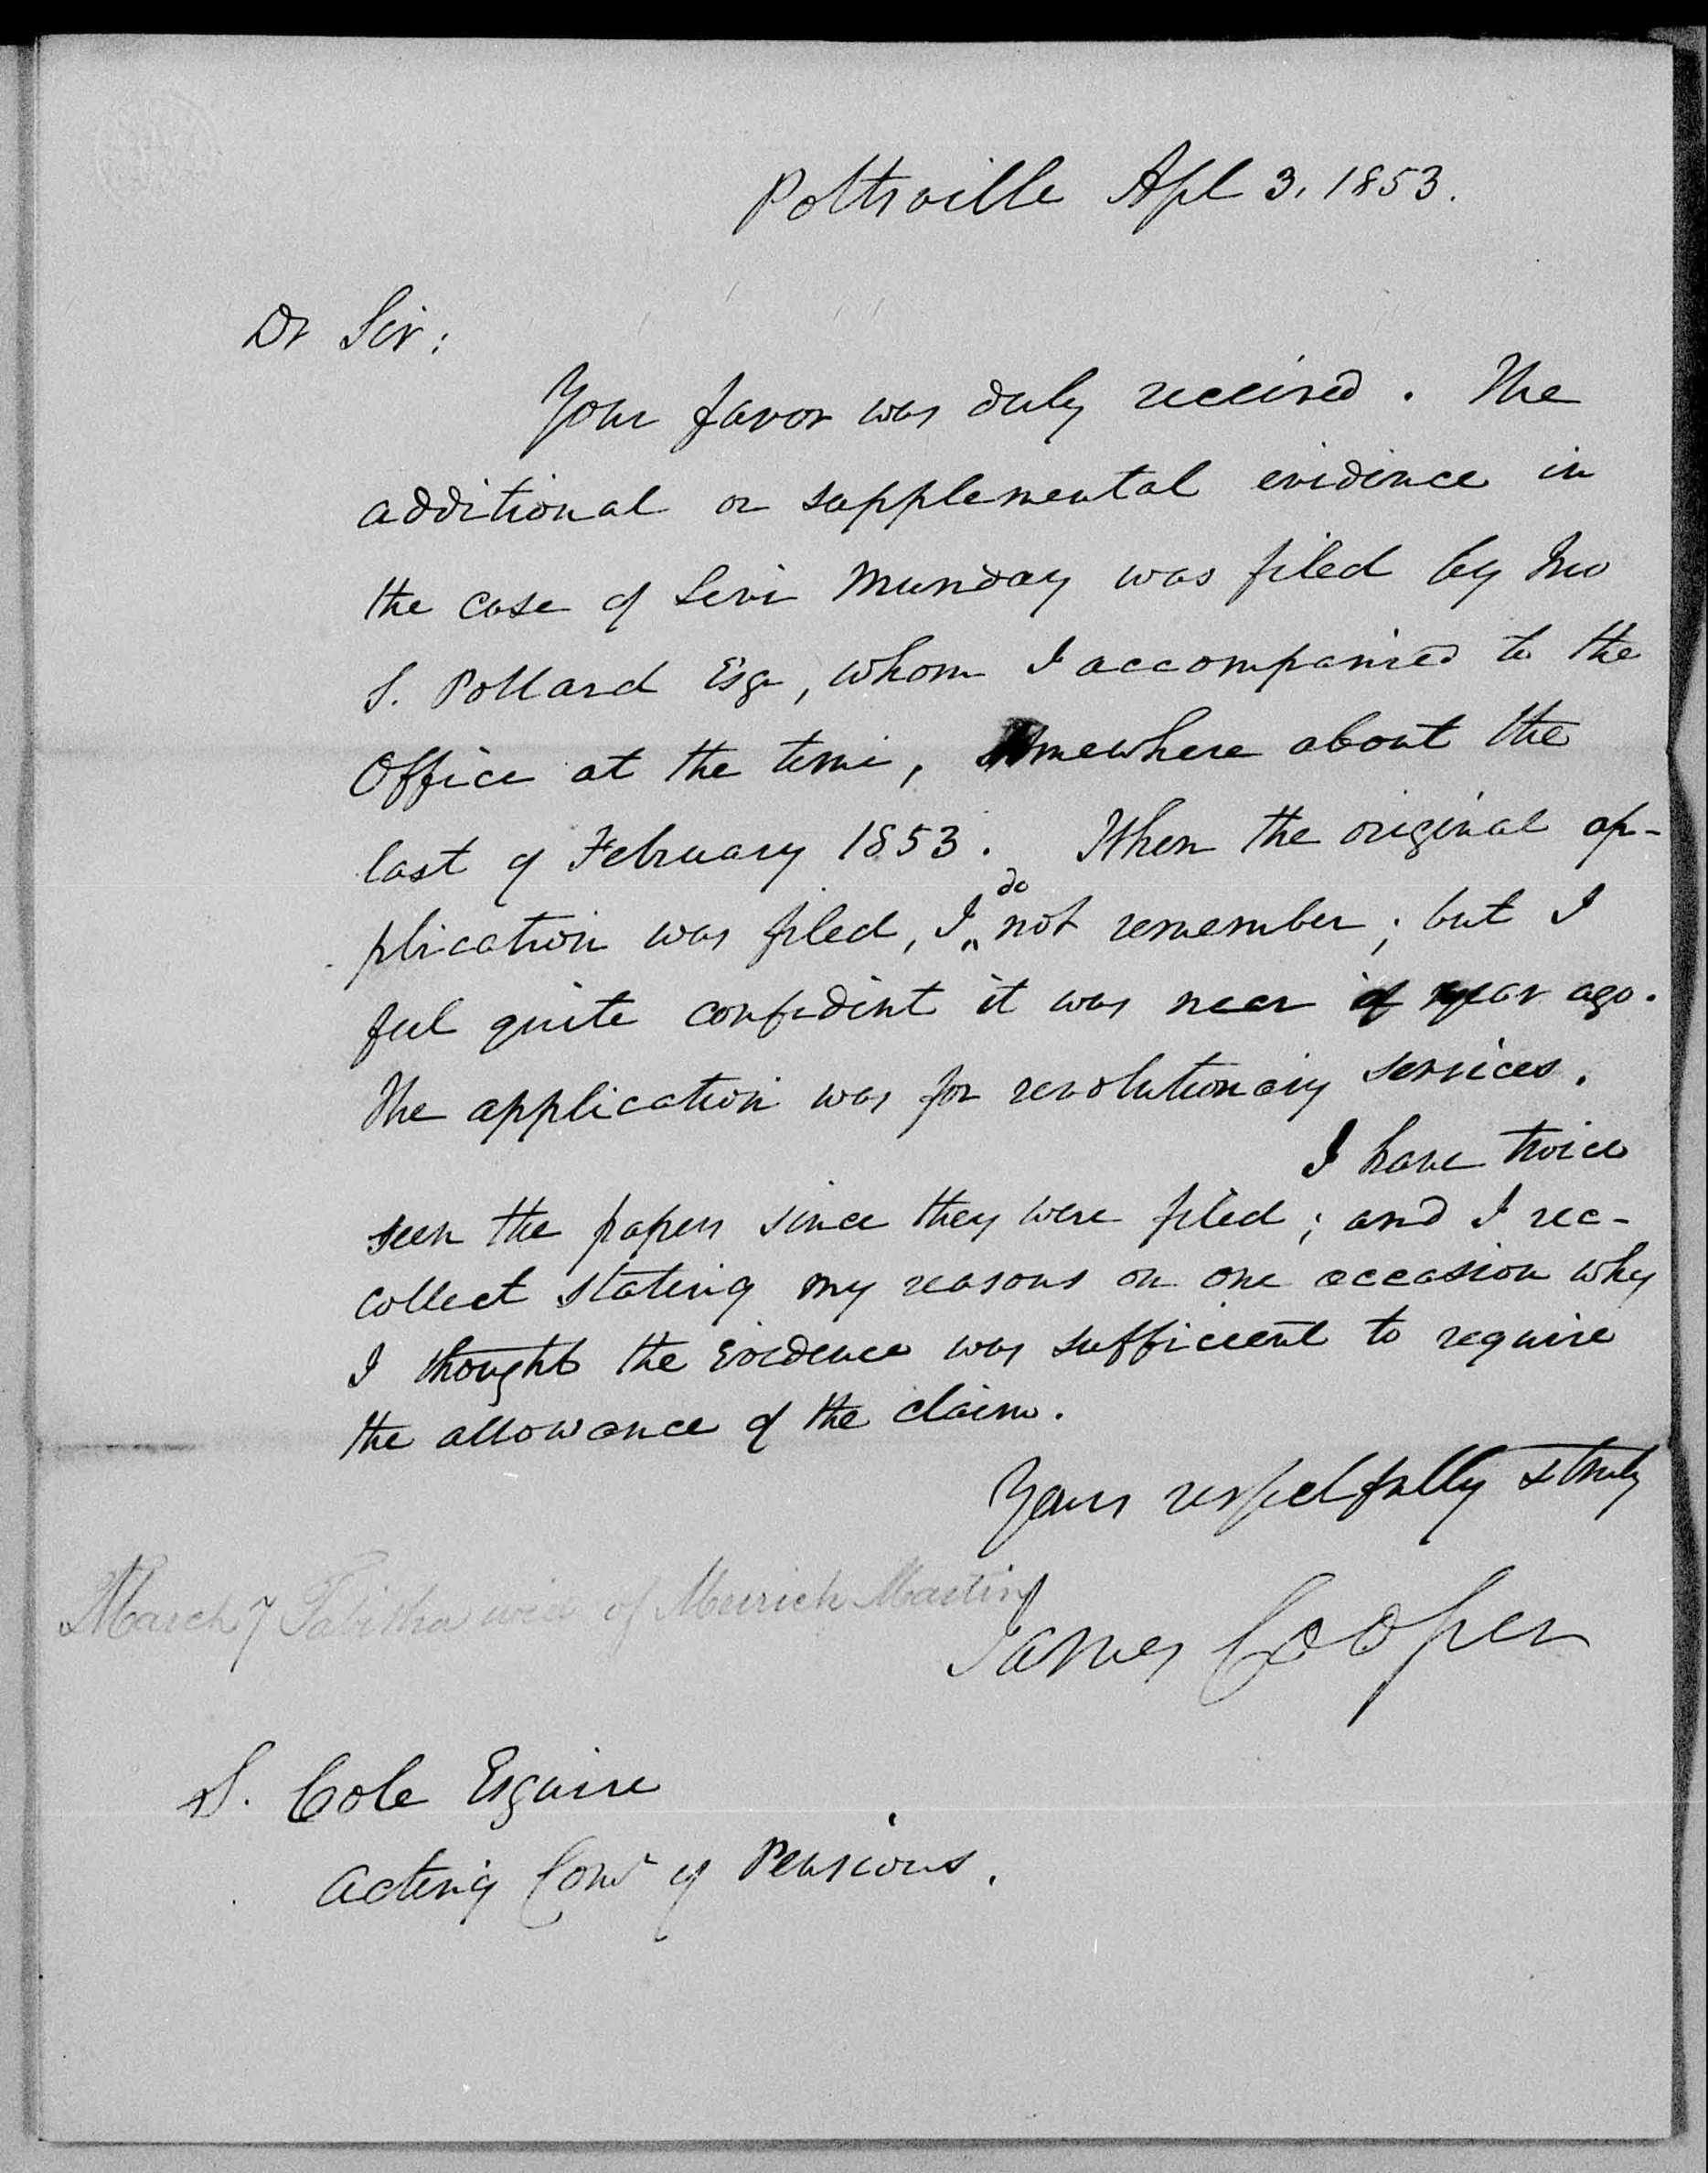Pottsville. Apr. 3, 1853.

D(ear) Sir:

Your favor was duly received. The additional or supplemental evidence in the case of Levi Munday was filed by Geo. S. Pollard, Esq., whom I accompanied to the office at the time, somewhere about the last of February 1853. When the original application was filed, I do not remember; but I feel quite confident it was near of year ago. The application was for revolutionary services.

I have twice seen the papers since they were filed; and I recollect stating my reasons on one occasion why I thought the evidence was sufficient to require the allowance of the claim.

Yours respectfully & truly,
s/ James Cooper

March 7, Tabitha, wid(ow) of Merrick Marting

S. Cole, Esquire, Acting Com(missioner) of Pensions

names: James Cooper; S Cole; Levi Munday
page: 50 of 95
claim: survivor's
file: S 2889, for Levi Mundy, New Jersey